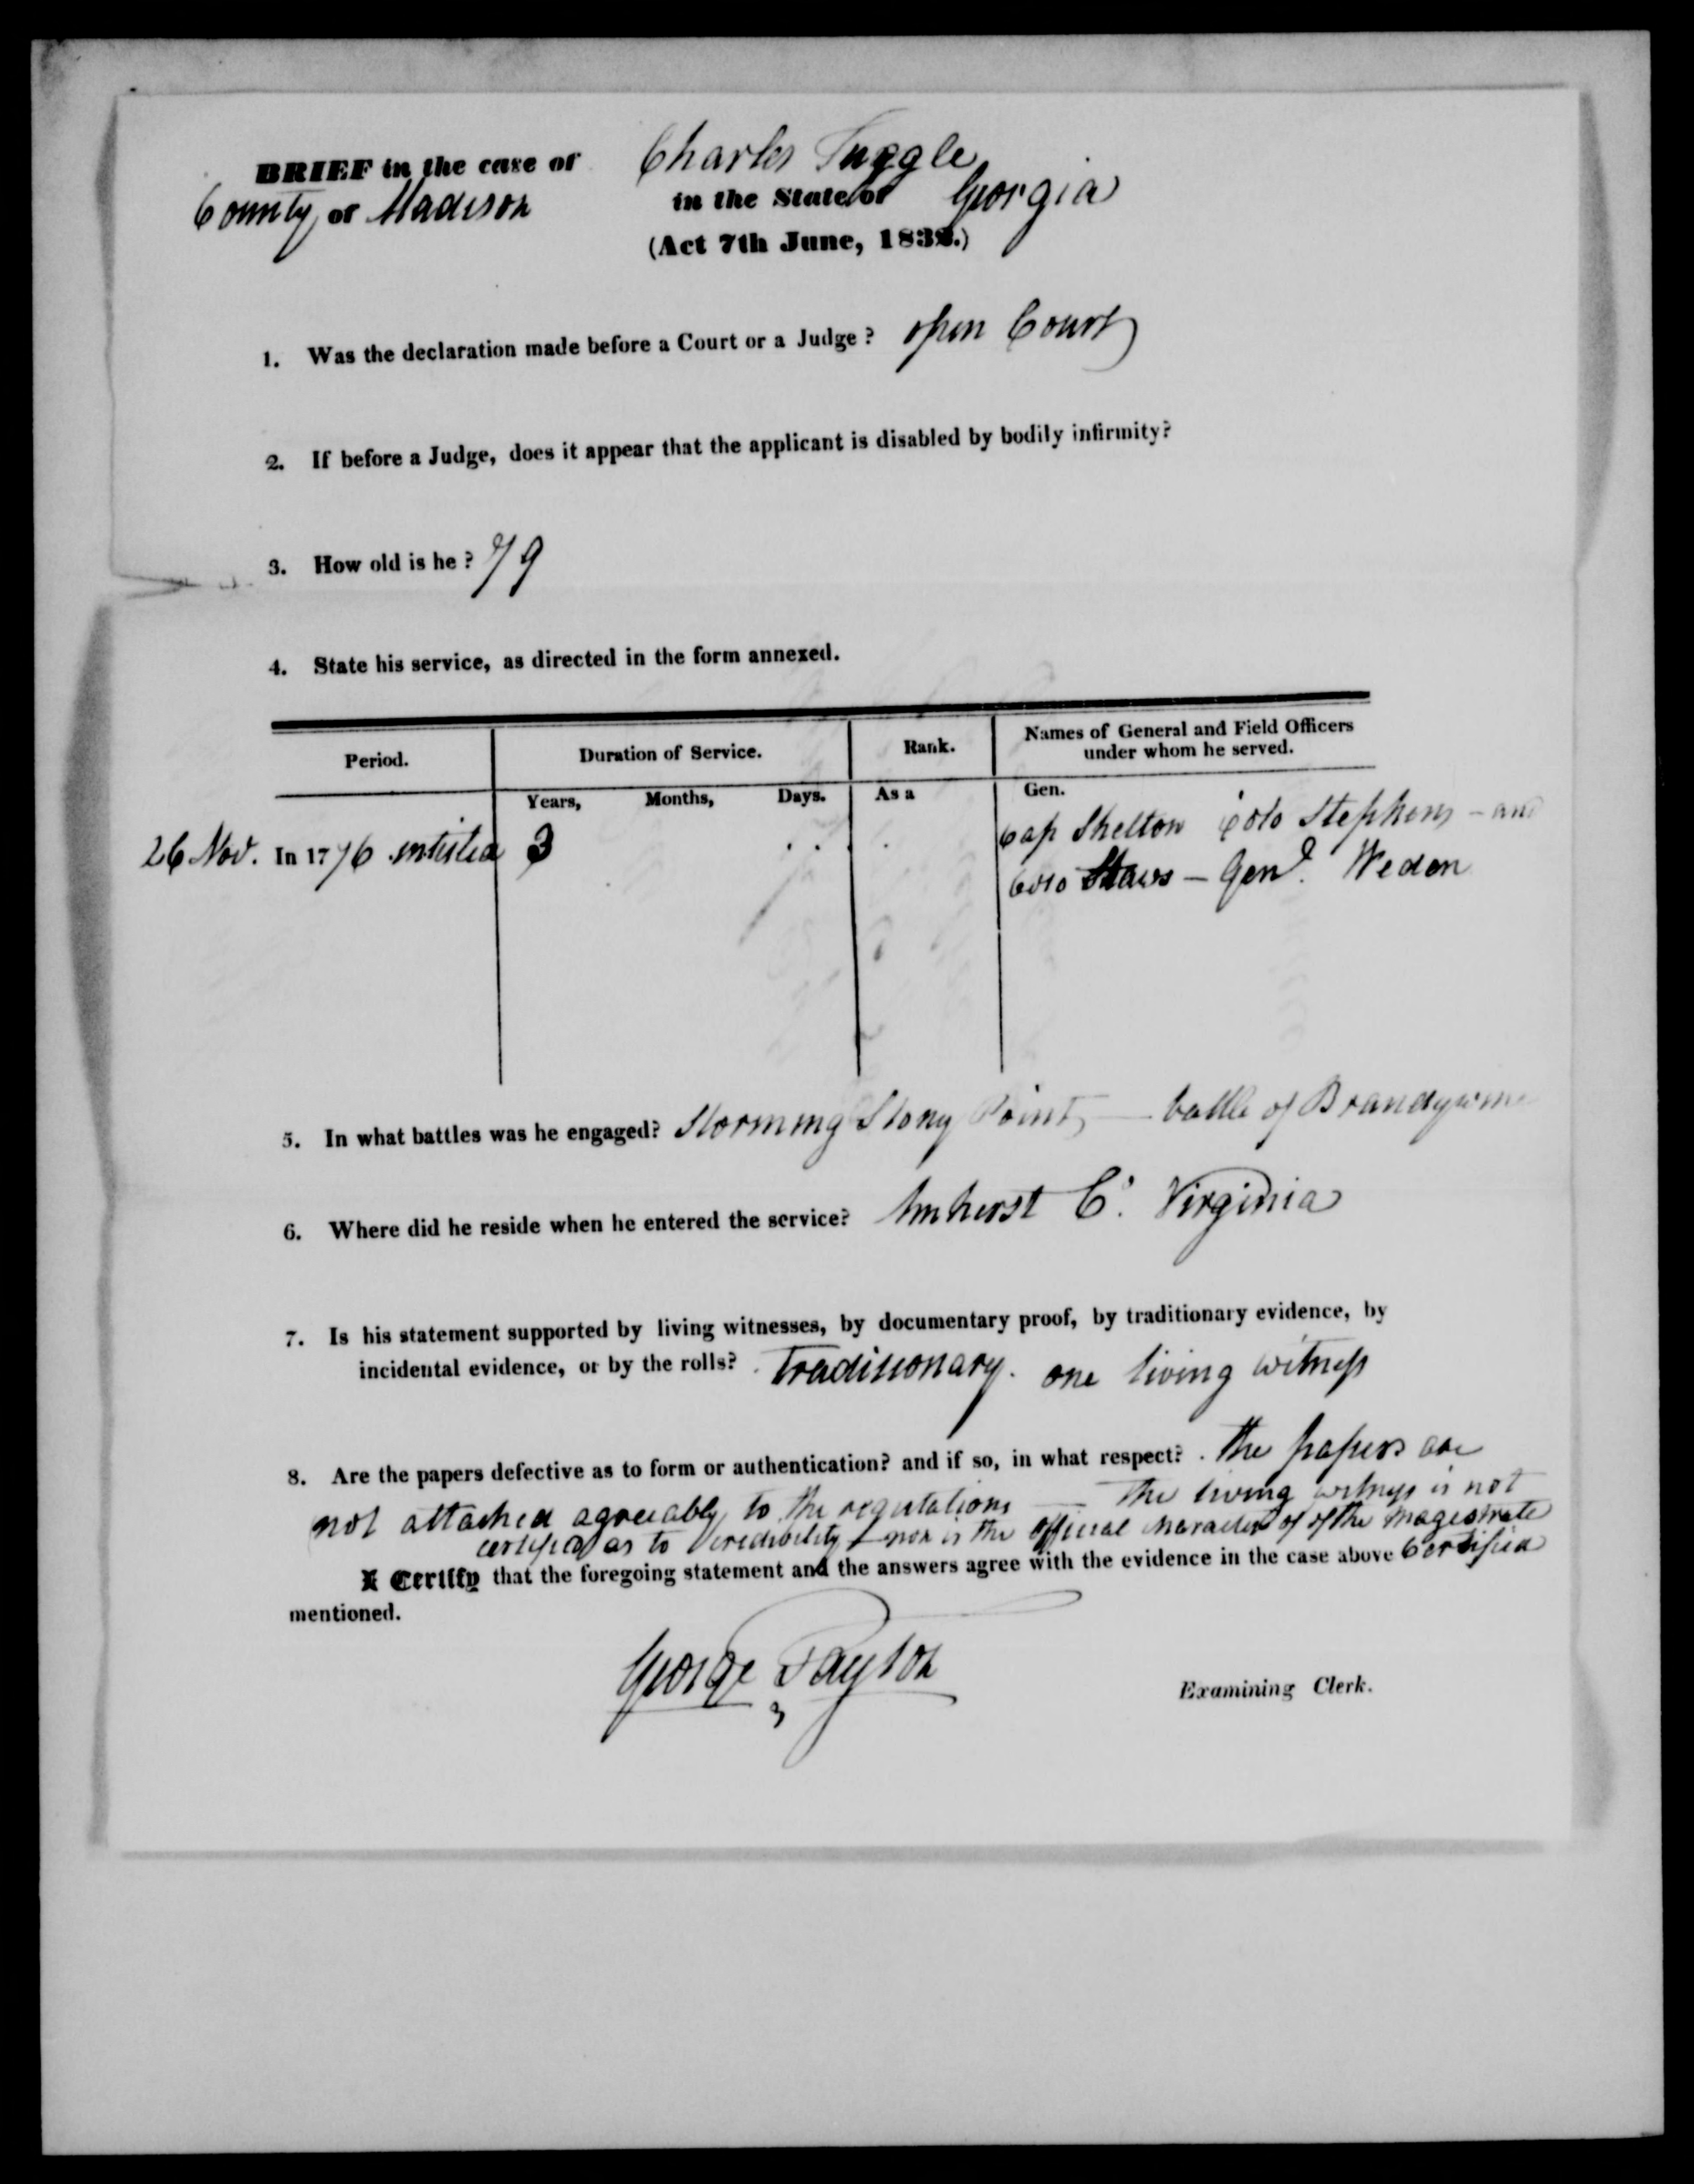BRIEF in the case of Charles Tuggle
County of Madison in the State of Georgia
Act 7th June, 1832
1. Was the declaration made before a Court or a Judge? Open Court
2. If before a Judge, does it appear that the applicant is disabled by bodily infirmity:
3. How old is he? 79
4. State his service, as directed in the form annexed.
Period.
26 Nov. In 1776 militia
Duration of Service.
Years, 3
Months,
Days.
Rank. 
As a 
Names of General and Field Officers
under whom he served.
Gen.
Cap Shelton Col Stephens - and
Col Stares - Genl. Weden
5. In what battles was he engaged? Storming Stony Point battle of Brandywine
6. Where did he reside when he entered the service? Amherst C. Virginia
7. Is his statement supported by living witnesses, 
by documentary proof, by traditionary evidence, by
incidental evidence, or by the rolls? Traditionary. one living witness
8. Are the papers defective as to form or authentication? and if so, in what respect? the papers are not attached agreeably to the regulations - the living witness is not 
certified as to credibility - nor is the official narration of the magistrate certified
Certify that the foregoing statement and the answers agree with the evidence in the case above mentioned. 
George Taylor
Examining Clerk.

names: Shelton, George Taylor, Stephens, Staws, Weden, Charles Tuggle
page: 6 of 23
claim: survivor's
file: S. 32559, Charles Tuggle, Va.